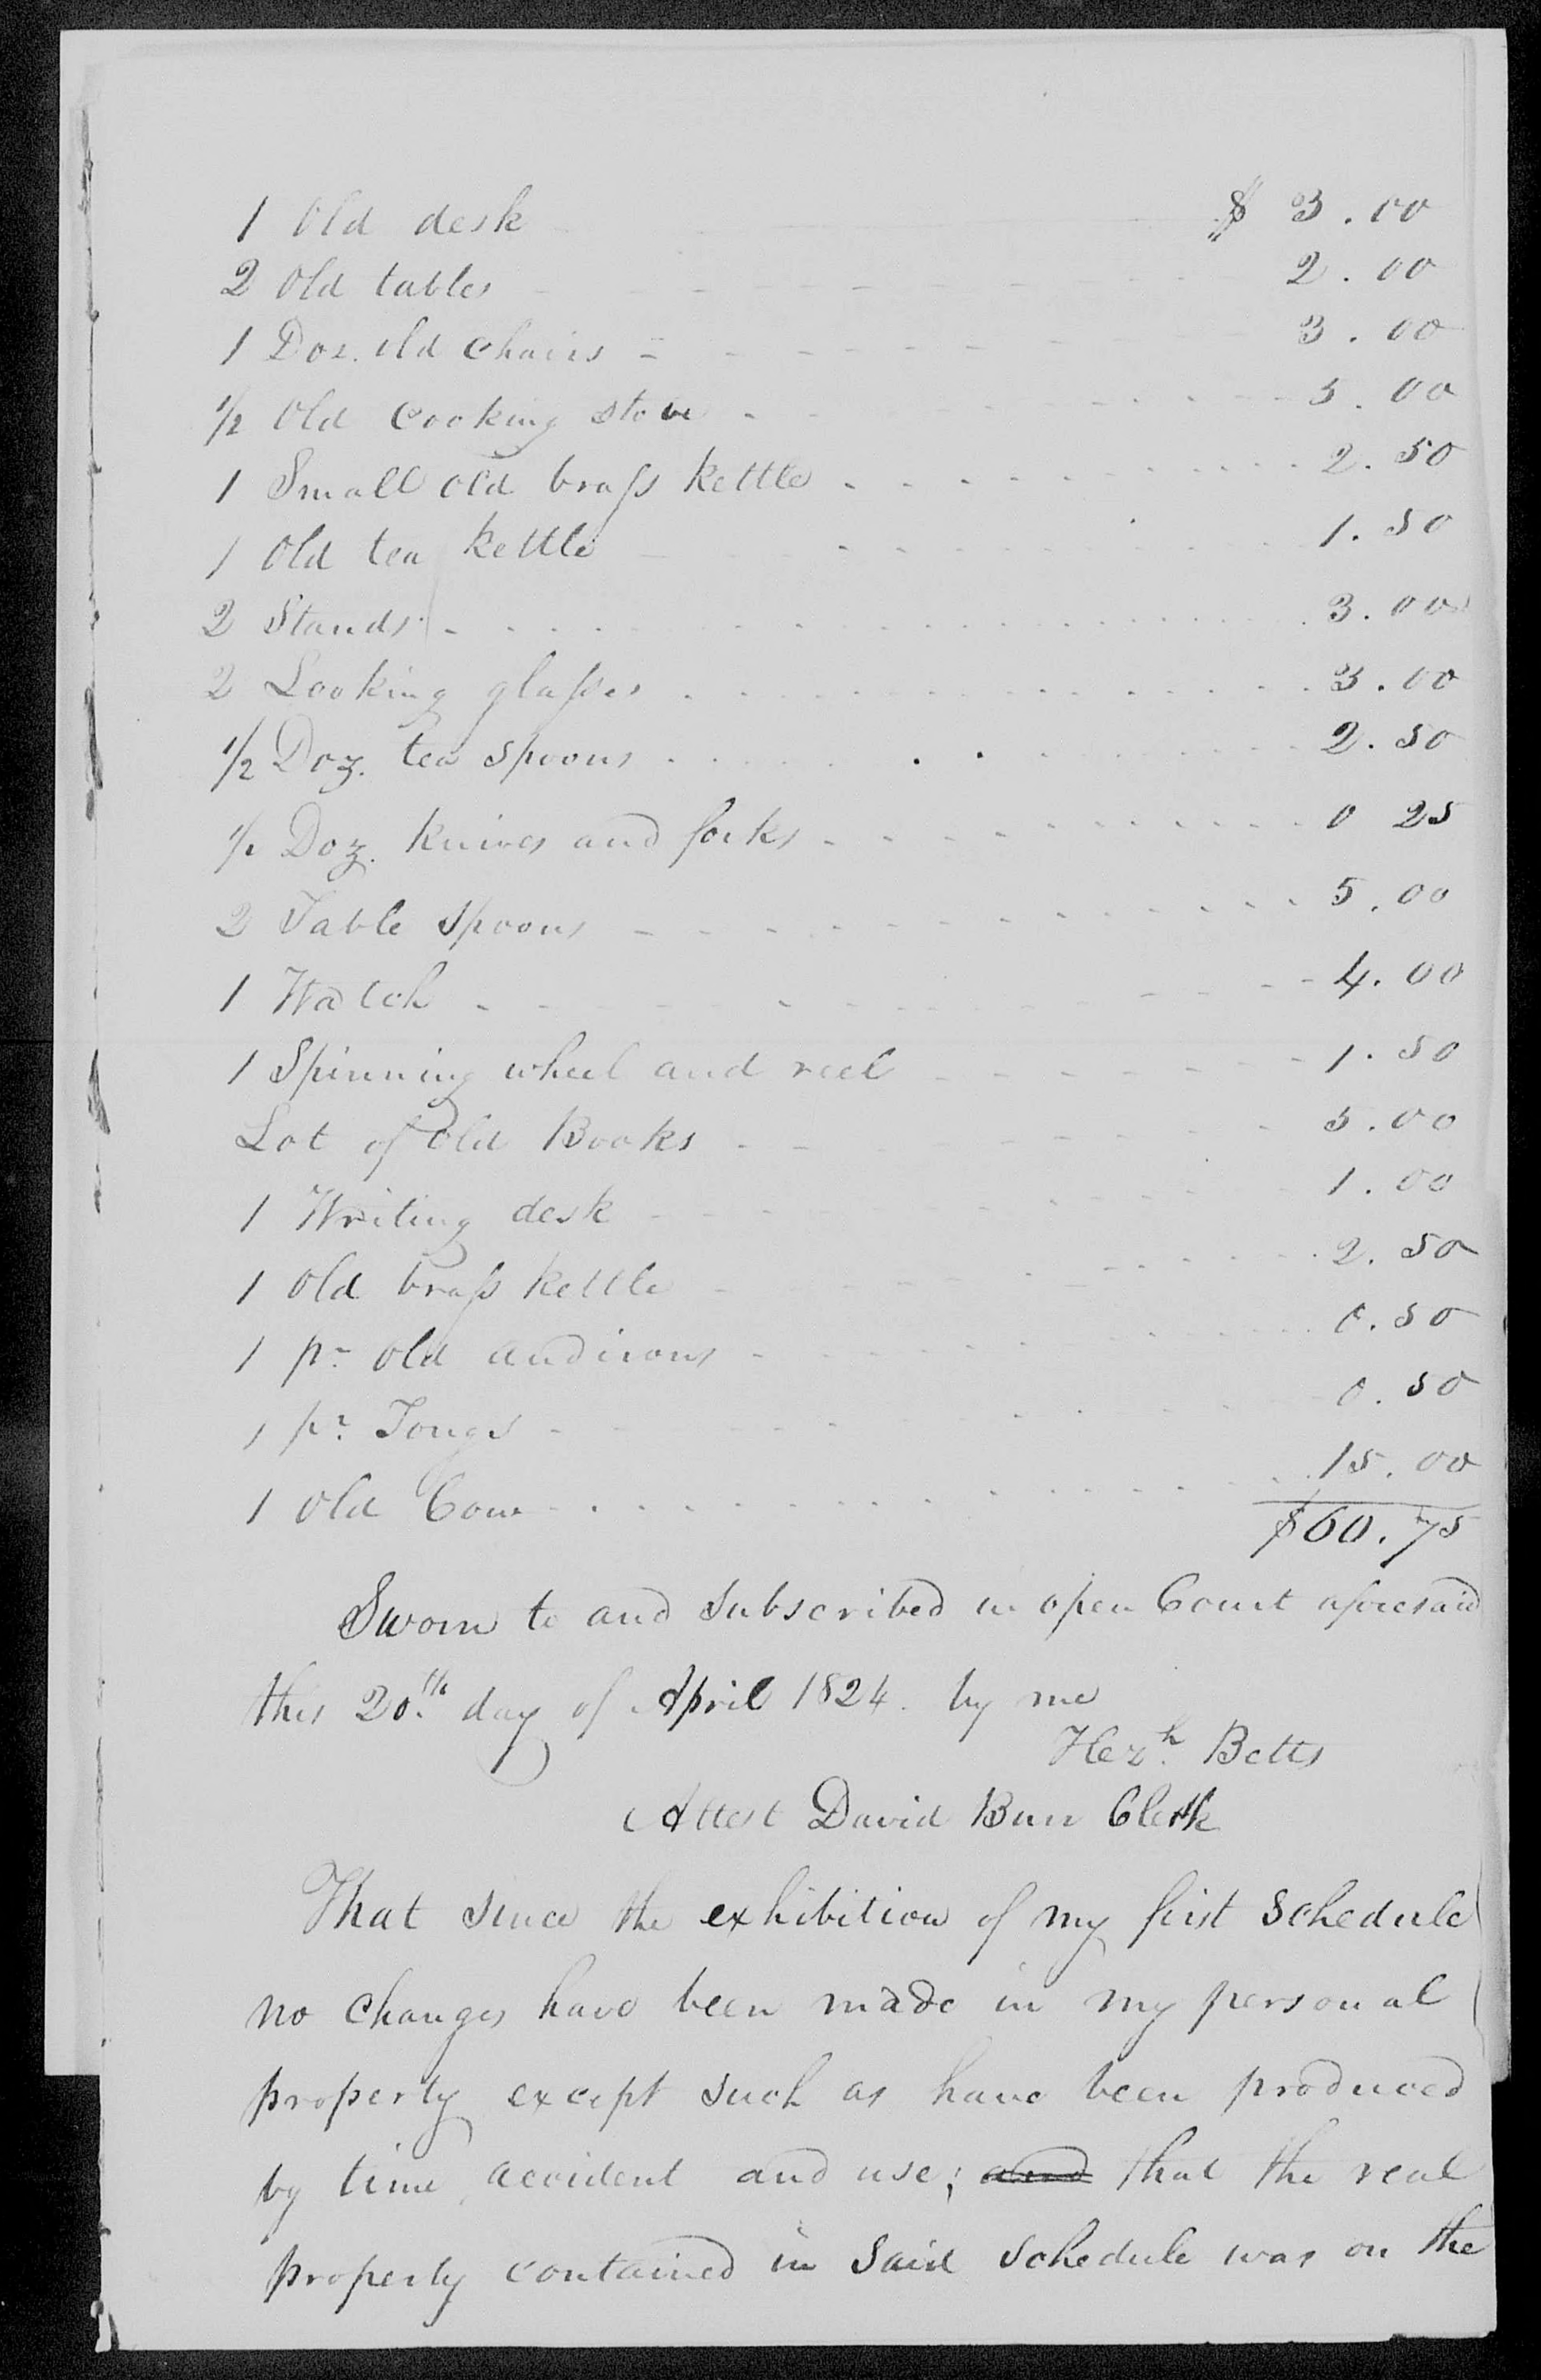1 old desk                                 $3.00
2 old tables                                2.00
1 doz. old chairs                        3.00
1/2 old cooking stove               5.00
1 small old brass kettle             2.50
1 old tea kettle                         1.50
3 stands                                    3.00
2 looking glasses                      3.00
1/2 doz. tea spoons                  2.50
1/2 doz. knives and forks         0.25
2 table spoons                         5.00
1 watch                                     4.00
1 spinning wheel and reel        1.50
lot of old books                        5.00
1 writing desk                            1.00
1 old brass kettle                       2.50
1 pr old andirons                      0.50
1 pr  Tongs                                0.50
1 old cow                                 15.00
                                             ------------
                                               $60.75
Sworn to and subscribed in open Court aforesaid this 20th day of April 1824 by me
Hezh Betts
Attest David Burr Clerk
That since the exhibition of my first schedule no changes have been made in my personal property except such as have been produced by time, accident and use; that the real property contained in said schedule was on the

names: Hezh Betts, David Burr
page: 53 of 61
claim: widow's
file: W. 29,929, Hezekiah Betts, Conn.